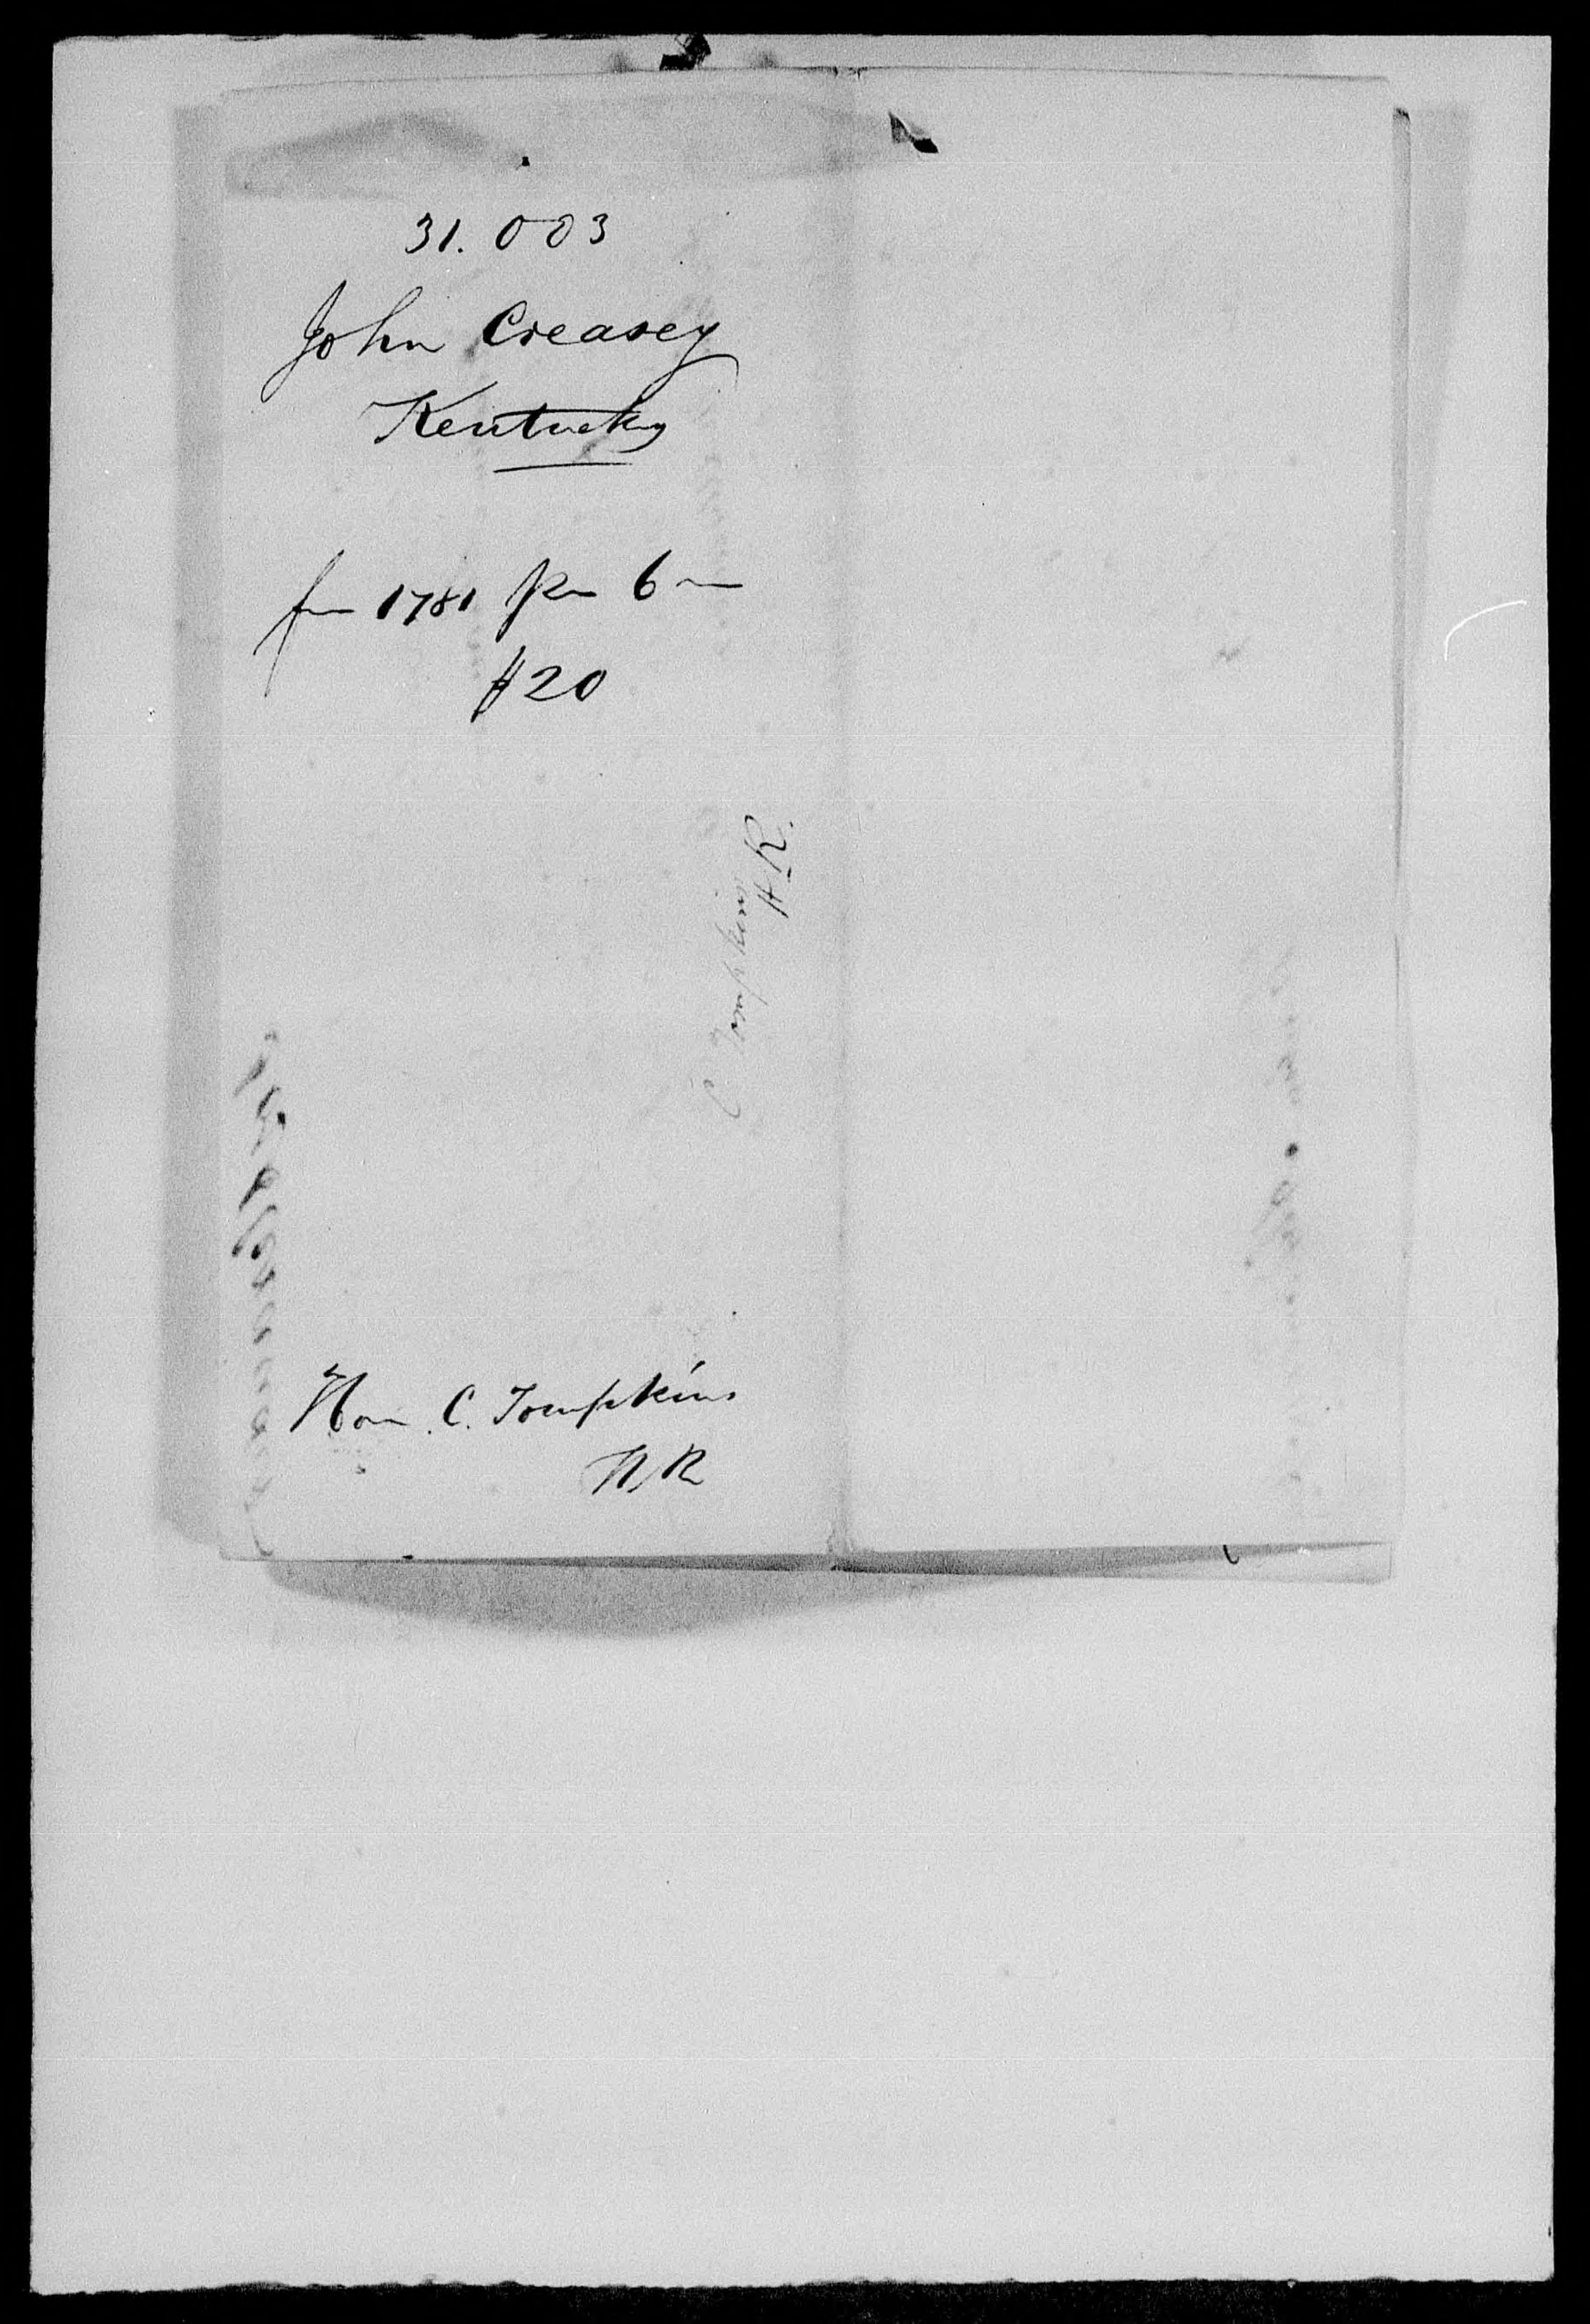31.003

John Creasey 
Kentucky 

for 1781 for 6
$20

C Tompkins
H. R.

Hon. C. Tompkins
HR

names: C Tompkins, C Tompkins, John Creasey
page: 12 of 16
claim: survivor's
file: S. 37,877, John Creasey, Va.